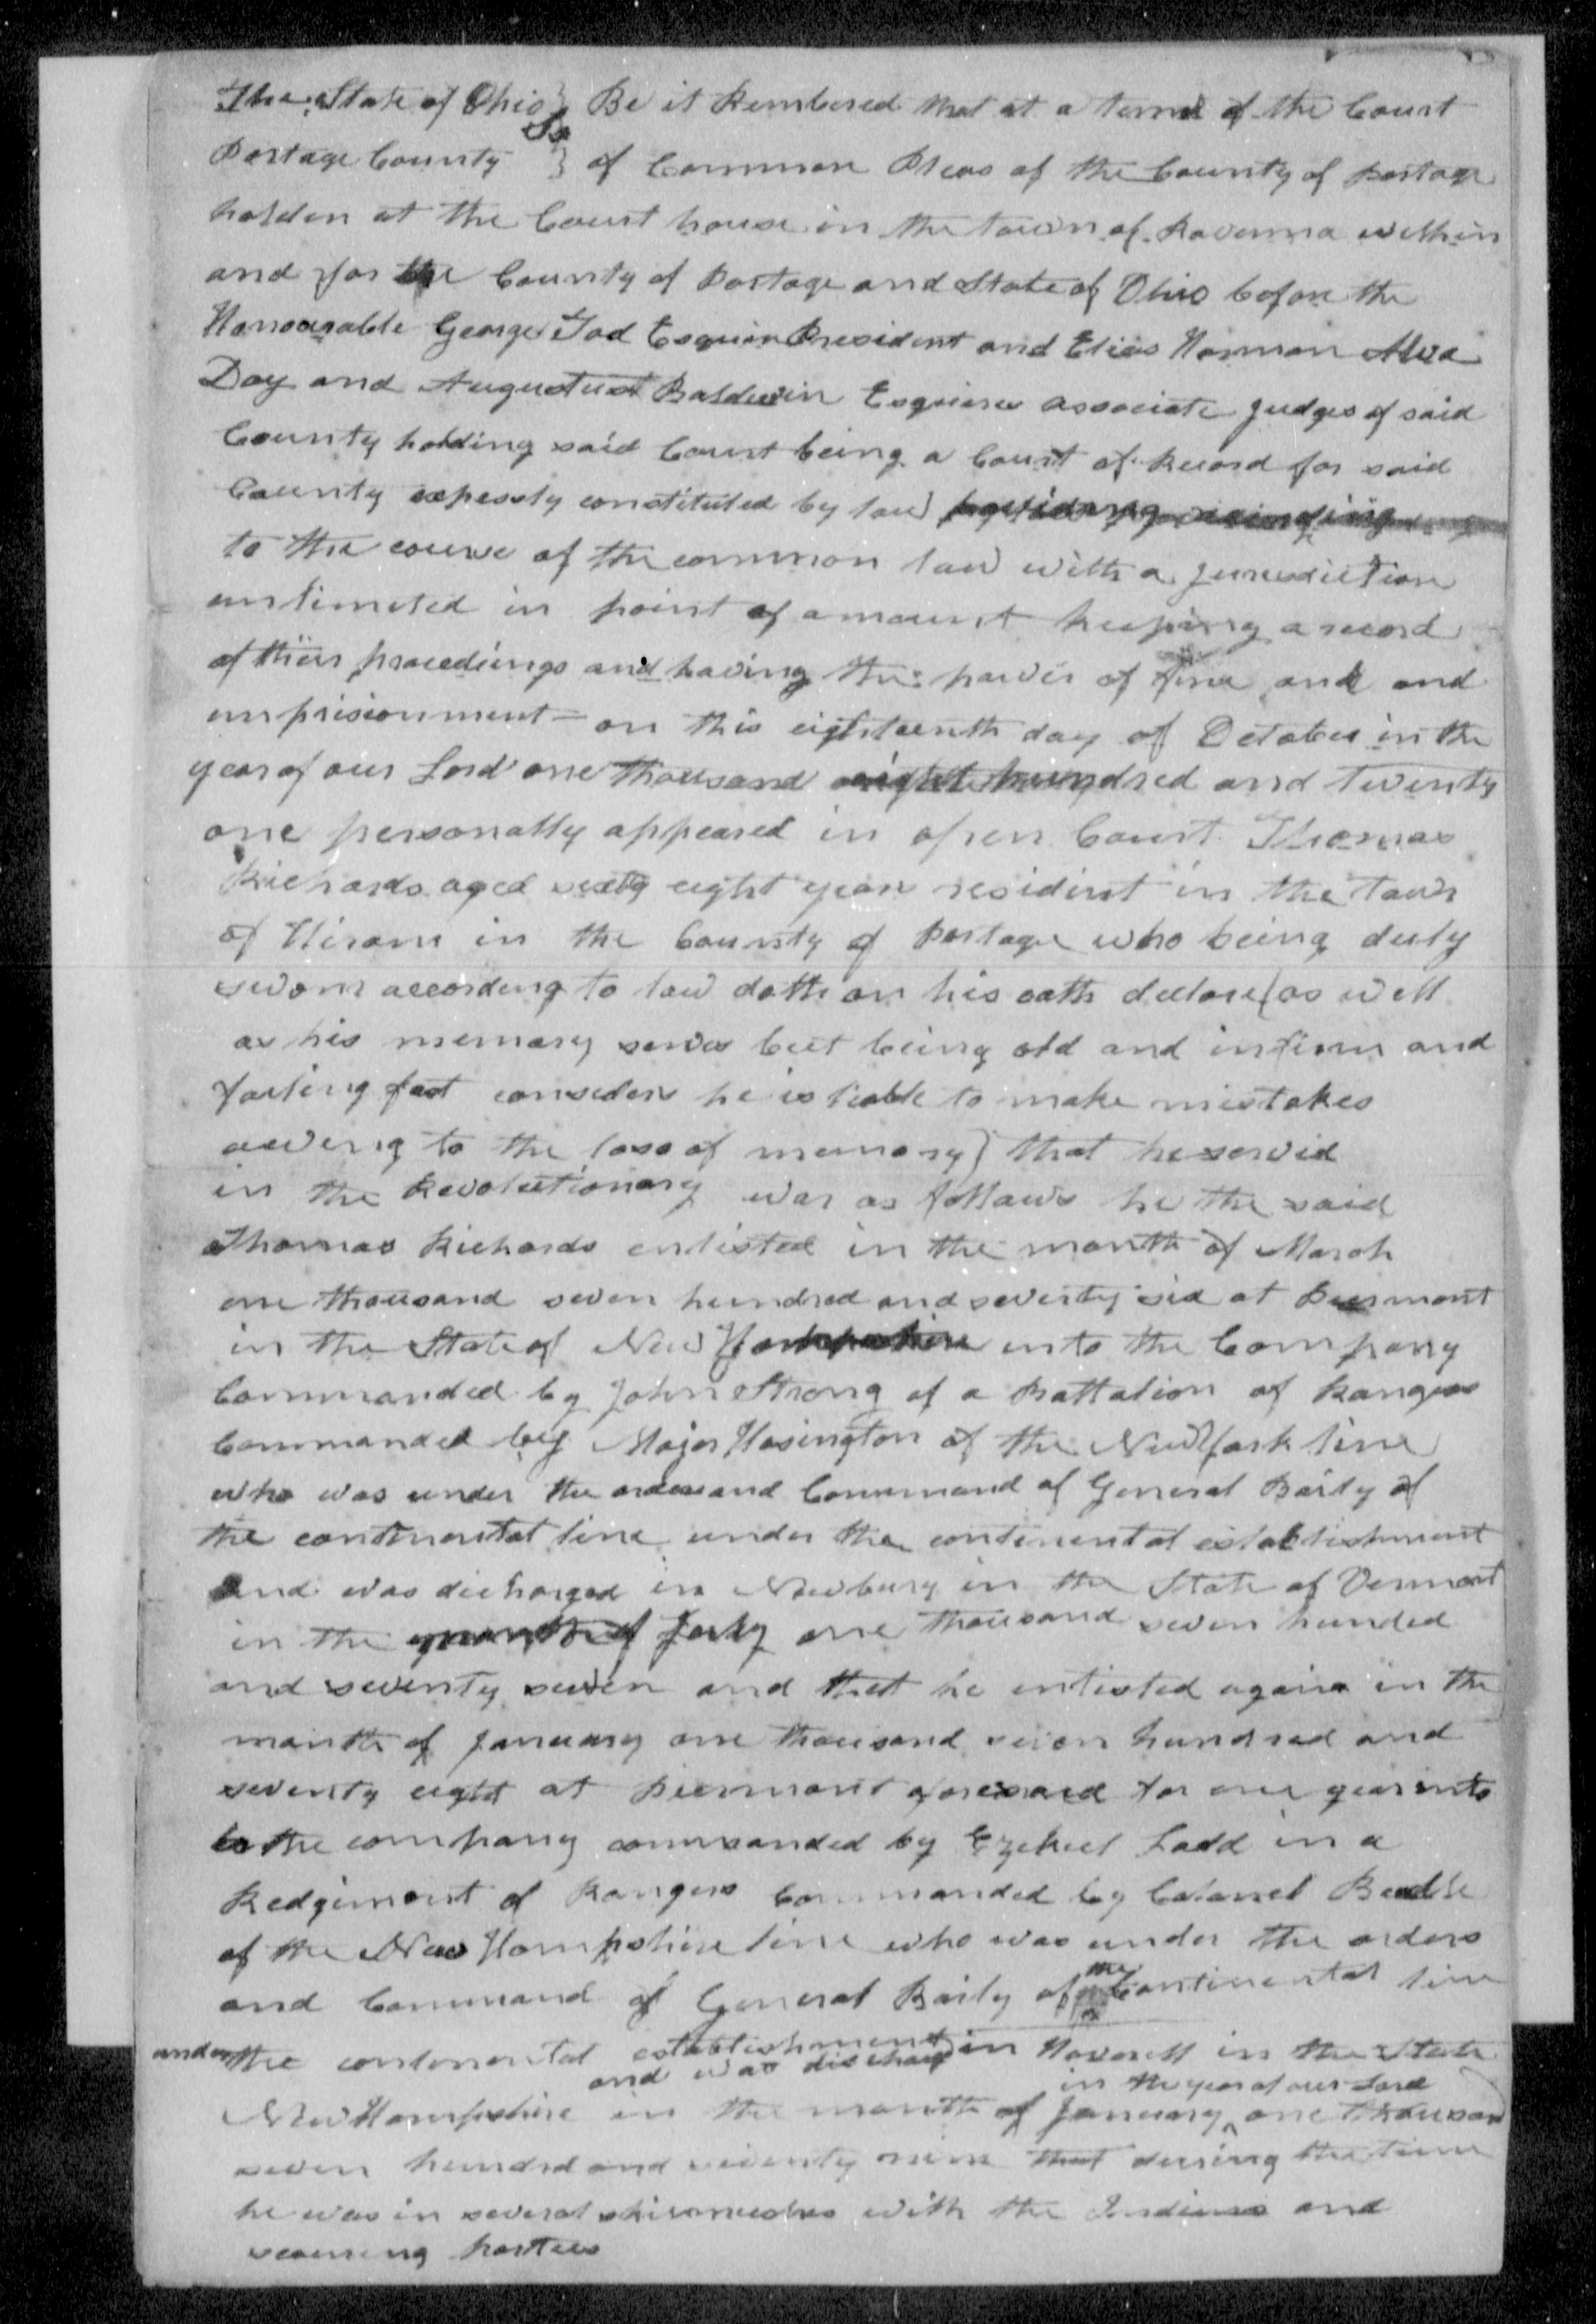The State of Ohio Portage County Ss} Be it Remembered that at a term of the Court of Common Pleas of the County of Portage holden at the Court house in the town of Ravenna within and for the County of Portage and State of Ohio before the Honorable George Tod Esquire President and Elias Harrison Alva Day and Augustus Baldwin Esquires associate Judges of said County holding said Court being a Court of Record for said County
expressly constituted by law to the court of the common law with a jurisdiction unlimited in point of amount keeping a record of their proceedings and having then power of fine and imprisonment - on this eighteenth day of October in the year of our Lord one thousand eight hundred and twenty one personally appeared in open Court Thomas  Richards aged sixty eight years resident in the Town of Hiram in the County of Portage who being duly sworn according to law doth on his oath declares as well as his memory serves but being old and infirm and fading fast consider he is able to make mistakes answering to the case of memory that he served in the Revolutionary was as follows he the said  Thomas Richards enlisted in the month of March in the State of New Hampshire into the Company Commanded by Major Hoisington of the New York line who was under the order and Command of General Baily of the continental line under the continental establishment and was discharged in Newbury in the state of Vermont in the month of July one thousand seven hundred and seventy seven and that he enlisted again in the month of January one thousand seven hundred and seventy eight at Piermont as aforesaid for one year into the company commanded by Ezekiel Ladd in a Regiment of Rangers commanded by Colonel Beadle of the New Hampshire line who was under the orders and Command of General Baily of the Continental line and the continental establishment and was discharged in the State of New Hampshire in the month of January in the year of our Lord one thousand seven hundred and seventy nine that during that time he was in several skirmishes with the Indians and scouting parties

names: George Tod; [BLANK] Hosington; Alva Day; Thomas Richards; Thomas Richards; John Strong; [BLANK] Baily; Augustus Baldwin; [BLANK] Baily; Ezekiel Ladd; [BLANK] Beadle; Elias Harrison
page: 11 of 109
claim: widow's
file: W. 5709, for Thomas Richards, New Hampshire